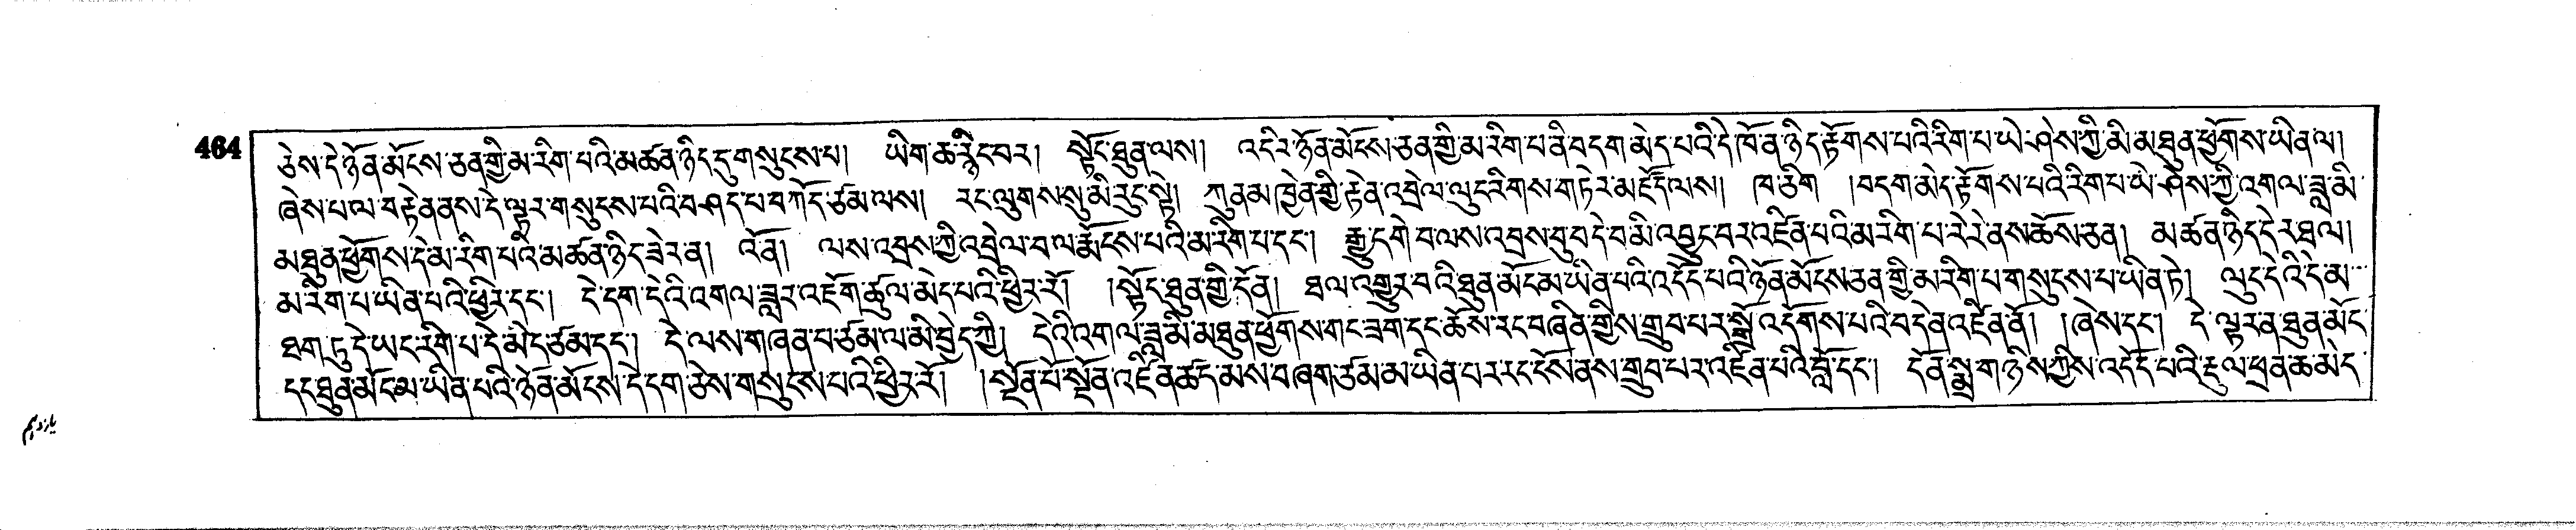ཅེས་དེ་ཉོན་མོངས་ཅན་གྱི་མ་རིག་པའི་མཚན་ཉིད་དུ་གསུངས་པ། ཡིག་ཆ་རྙིང་བར། སྟོང་ཐུན་ལས། འདིར་ཉོན་མོངས་ཅན་གྱི་མ་རིག་པ་ནི་བདག་མེད་པའི་དེ་ཁོ་ན་ཉིད་རྟོགས་པའི་རིག་པ་ཡེ་ཤེས་ཀྱི་མི་མཐུན་ཕྱོགས་ཡིན་ལ།
ཞེས་པ་ལ་བརྟེན་ནས་དེ་ལྟར་གསུངས་པའི་བཤད་པ་བཀོད་ཙམ་ལས། རང་ལུགས་སུ་མི་རུང་སྟེ། ཀུན་མཁྱེན་གྱི་རྟེན་འབྲེལ་ལུང་རིགས་གཏེར་མཛོད་ལས། ཁ་ཅིག །བདག་མེད་རྟོགས་པའི་རིག་པ་ཡེ་ཤེས་ཀྱི་འགལ་ཟླ་མི་
མཐུན་ཕྱོགས་དེ་མ་རིག་པའི་མཚན་ཉིད་ཟེར་ན། འོ་ན། ལས་འབྲས་ཀྱི་འབྲེལ་བ་ལ་རྨོངས་པའི་མ་རིག་པ་དང་། རྒྱུ་དགེ་བ་ལས་འབྲས་བུ་བདེ་བ་མི་འབྱུང་བར་འཛིན་པའི་མ་རིག་པ་རེ་རེ་ནས་ཆོས་ཅན། མཚན་ཉིད་དེར་ཐལ།
མ་རིག་པ་ཡིན་པའི་ཕྱིར་དང་། དེ་དག་དེའི་འགལ་ཟླར་འཇོག་ཚུལ་མེད་པའི་ཕྱིར་རོ། །སྟོང་ཐུན་གྱི་དོན། ཐལ་འགྱུར་བའི་ཐུན་མོང་མ་ཡིན་པའི་འདོད་པའི་ཉོན་མོངས་ཅན་གྱི་མ་རིག་པ་གསུངས་པ་ཡིན་ཏེ། ལུང་དེའི་དེ་མ་
ཐག་ཏུ་དེ་ཡང་རིག་པ་དེ་མིད་ཙམ་དང་། དེ་ལས་གཞན་པ་ཙམ་ལ་མི་བྱེད་ཀྱི། དེའི་འགལ་ཟླ་མི་མཐུན་ཕྱོགས་གང་ཟག་དང་ཆོས་རང་བཞིན་གྱིས་གྲུབ་པར་སྒྲོ་འདོགས་པའི་བདེན་འཛིན་ནོ། །ཞེས་དང་། དེ་ལྟར་ན་ཐུན་མོང་
དང་ཐུན་མོང་མ་ཡིན་པའི་ཉོན་མོངས་དེ་དག་ཅེས་གསུངས་པའི་ཕྱིར་རོ། །སྔོན་པོ་སྔོན་འཛིན་ཚད་མས་བཞག་ཙམ་མ་ཡིན་པར་རང་ངོས་ནས་གྲུབ་པར་འཛིན་པའི་བློ་དང་། དོན་སྨྲ་གཉིས་ཀྱིས་འདོད་པའི་རྡུལ་ཕྲན་ཆ་མེད་